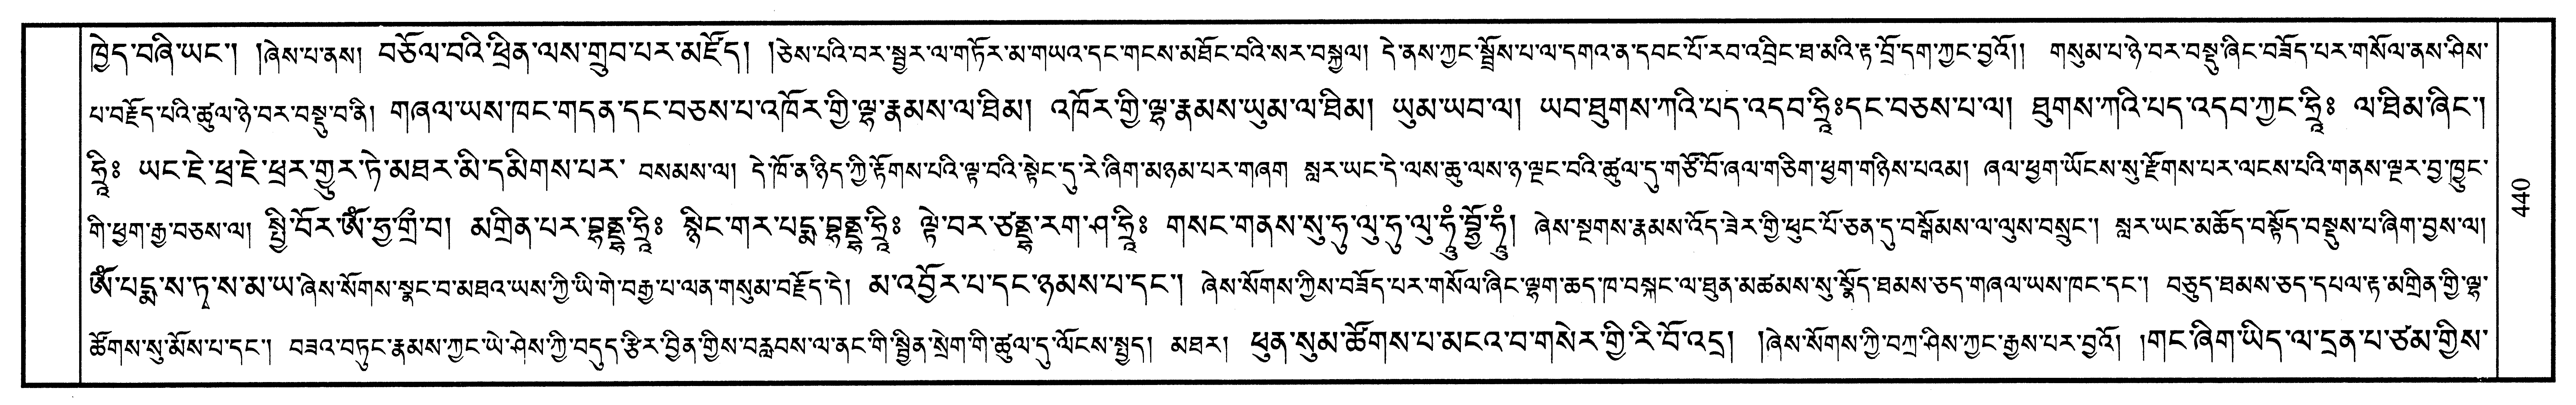ཁྱེད་བཞི་ཡང་། །ཞེས་པ་ནས། བཅོལ་བའི་ཕྲིན་ལས་གྲུབ་པར་མཛོད། །ཅེས་པའི་བར་སྦྱར་ལ་གཏོར་མ་གཡའ་དང་གངས་མཐོང་བའི་སར་བསྐྱལ། དེ་ནས་ཀྱང་སྦྲོས་པ་ལ་དགའ་ན་དབང་པོ་རབ་འབྲིང་ཐ་མའི་རྟ་བྲོ་དག་ཀྱང་བྱའོ།། གསུམ་པ་ཉེ་བར་བསྡུ་ཞིང་བཟོད་པར་གསོལ་ནས་ཤིས་
པ་བརྗོད་པའི་ཚུལ་ཉེ་བར་བསྡུ་བ་ནི། གཞལ་ཡས་ཁང་གདན་དང་བཅས་པ་འཁོར་གྱི་ལྷ་རྣམས་ལ་ཐིམ། འཁོར་གྱི་ལྷ་རྣམས་ཡུམ་ལ་ཐིམ། ཡུམ་ཡབ་ལ། ཡབ་ཐུགས་ཀའི་པད་འདབ་ཧྲཱིཿ དང་བཅས་པ་ལ། ཐུགས་ཀའི་པད་འདབ་ཀྱང་ཧྲཱིཿ ལ་ཐིམ་ཞིང་།
ཧྲཱིཿ ཡང་ཇེ་ཕྲ་ཇེ་ཕྲར་གྱུར་ཏེ་མཐར་མི་དམིགས་པར་བསམས་ལ། དེ་ཁོ་ན་ཉིད་ཀྱི་རྟོགས་པའི་ལྟ་བའི་སྟེང་དུ་རེ་ཞིག་མཉམ་པར་གཞག་སླར་ཡང་དེ་ལས་ཆུ་ལས་ཉ་ལྡང་བའི་ཚུལ་དུ་གཙོ་བོ་ཞལ་གཅིག་ཕྱག་གཉིས་པའམ། ཞལ་ཕྱག་ཡོངས་སུ་རྫོགས་པར་ལངས་པའི་གནས་ལྔར་བྱ་ཁྱུང་
གི་ཕྱག་རྒྱ་བཅས་ལ། སྤྱི་བོར་ཨོཾ་ཧྱ་གྲྀ་བ། མགྲིན་པར་བྷནྡྷ་ཧྲཱིཿ སྙིང་གར་པདམ་བྷནྡྷ་ཧྲཱིཿ ལྟེ་བར་ཙནྡ་རག་ཤ་ཧྲཱིཿ གསང་གནས་སུ་ཧུ་ལུ་ཧུ་ལུ་ཧཱུཾ་བྷྱོ་ཧཱུཾ། ཞེས་སྔགས་རྣམས་འོད་ཟེར་གྱི་ཕུང་པོ་ཅན་དུ་བསྒོམས་ལ་ལུས་བསྲུང་། སླར་ཡང་མཆོད་བསྟོད་བསྡུས་པ་ཞིག་བྱས་ལས།
ཨོཾ་པདམ་ས་ཏྭ་ས་མ་ཡ་ཞེས་སོགས་སྣང་བ་མཐའ་ཡས་ཀྱི་ཡི་གེ་བརྒྱ་པ་ལན་གསུམ་བརྗོད་དེ། མ་འབྱོར་པ་དང་ཉམས་པ་དང་། ཞེས་སོགས་ཀྱིས་བཟོད་པར་གསོལ་ཞིང་ལྷག་ཆད་ཁ་བསྐང་ལ་ཐུན་མཚམས་སུ་སྣོད་ཐམས་ཅད་གཞལ་ཡས་ཁང་དང་། བཅུད་ཐམས་ཅད་དཔལ་རྟ་མགྲིན་གྱི་ལྷ་
ཚོགས་སུ་མོས་པ་དང་། བཟའ་བཏུང་རྣམས་ཀྱང་ཡེ་ཤེས་ཀྱི་བདུད་རྩིར་བྱིན་གྱིས་བརླབས་ལ་ནང་གི་སྦྱིན་སྲེག་གི་ཚུལ་དུ་ལོངས་སྤྱད། མཐར། ཕུན་སུམ་ཚོགས་པ་མངའ་བ་གསེར་གྱི་རི་བོ་འདྲ། །ཞེས་སོགས་ཀྱི་བཀྲ་ཤིས་ཀྱང་རྒྱས་པར་བྱའོ། །གང་ཞིག་ཡིད་ལ་དྲན་པ་ཙམ་གྱིས་